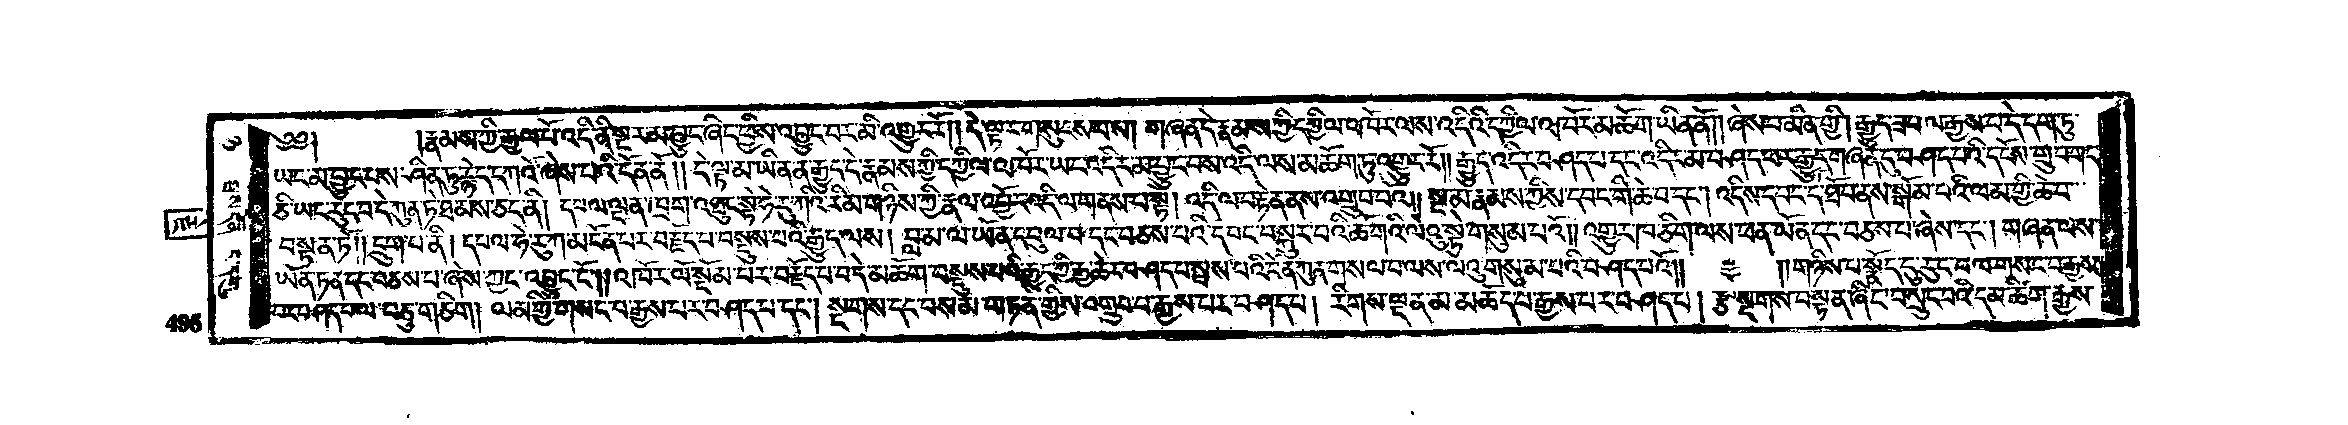༄༅། །རྣམས་ཀྱི་རྒྱལ་པོ་འདི་ནི་སྔར་མ་བྱུང་ཞིང་ཕྱིས་འབྱུང་བར་མི་འགྱུར་རོ། །དེ་ལྟར་གསུངས་པས། གཞན་དེ་རྣམས་ཀྱི་དཀྱིལ་འཁོར་ལས་འདིའི་དཀྱིལ་འཁོར་མཆོག་ཡིན་ནོ། །ཞེས་པ་མིན་གྱི། རྒྱུད་ཟབ་ལ་རྒྱས་པ་དེ་དག་ཏུ་
ཡང་མ་བྱུང་བས་ཤིན་ཏུ་རྙེད་དཀའོ་ཞེས་པའི་དོན་ནོ། །དེ་ལྟ་མ་ཡིན་ན་རྒྱུད་དེ་རྣམས་ཀྱི་དཀྱིལ་འཁོར་ཡང་འདིར་མ་བྱུང་བས་འདི་ལས་མཆོག་ཏུ་འགྱུར་རོ། །རྒྱུད་འདིར་བཤད་པ་དང་འདིར་མ་བཤད་པར་རྒྱུད་གཞན་དུ་བཤད་པའི་དངོས་གྲུབ་གང་
ཅི་ཡང་རུང་བ་དེ་ཀུན་ཏེ་ཐམས་ཅད་ནི། དཔལ་ལྡན་ཁྲག་འཐུང་སྟེ་ཧེ་རུ་ཀའི་རིམ་གཉིས་ཀྱི་རྣལ་འབྱོར་འདི་ལ་གནས་པ་སྟེ། འདི་ལ་བརྟེན་ནས་འགྲུབ་པའོ། །སྔ་མ་རྣམས་ཀྱིས་དབང་གི་ཆེ་བ་དང་། འདིས་དབང་དེ་ཐོབ་ནས་སྒོམ་པའི་ལམ་གྱི་ཆེ་བ་
བསྟན་ཏོ། །དྲུག་པ་ནི། དཔལ་ཧེ་རུ་ཀ་མངོན་པར་བརྗོད་པ་བསྡུས་པའི་རྒྱུད་ལས། བླ་མ་ལ་ཡོན་དབུལ་བ་དང་བཅས་པའི་དབང་བསྐུར་བའི་ཆོ་གའི་ལེའུ་སྟེ་གསུམ་པའོ། །འགྱུར་ཁ་ཅིག་ལས་ཕན་ཡོན་དང་བཅས་པ་ཞེས་དང་། གཞན་ལས་
ཡོན་ཏན་དང་བཅས་པ་ཞེས་ཀྱང་འབྱུང་ངོ། །འཁོར་ལོ་སྡོམ་པར་བརྗོད་པ་བདེ་མཆོག་བསྡུས་པའི་རྒྱུད་ཀྱི་རྒྱ་ཆེར་བཤད་པ་སྦས་པའི་དོན་ཀུན་གསལ་བ་ལས་ལེའུ་གསུམ་པའི་བཤད་པའོ།། ༈ །།གཉིས་པ་སྣོད་དུ་རུང་བ་ལ་གསང་བ་རྒྱས་
བར་བཤད་པ་ལ་བཅུ་གཅིག །ལམ་གྱི་གསང་བ་རྒྱས་པར་བཤད་པ་དང་། སྔགས་དང་བསམ་གཏན་གྱིས་འགྲུབ་པ་རྒྱས་པར་བཤད་པ། རིགས་ལྡན་མ་མཆོད་པ་རྒྱས་པར་བཤད་པ། རྩ་སྔགས་བསྟན་ཞིང་བསྲུང་བའི་དམ་ཚིག་རྒྱས་